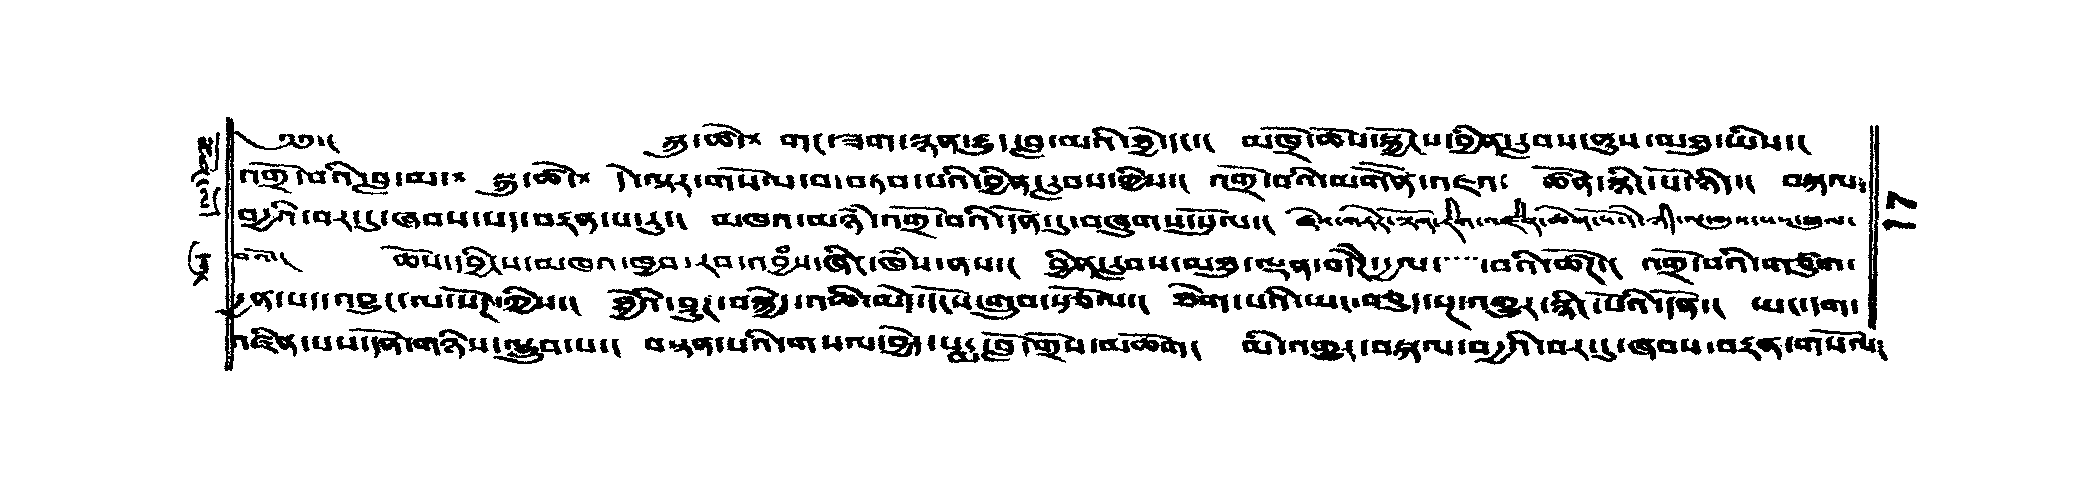སྐུ་ཚེ༴ གང་ཟག་སྙན་རྒྱུད་བླ་མའི་ཐུགས་རྗེ་དང་། །མཁའ་འགྲོ་ཆོས་སྐྱོང་བྱིན་རླབས་ནུས་མཐུ་ཡིས། །
འགྲོ་བའི་བླ་མ༴ སྐུ་ཚེ༴ དེ་ལྟར་གསོལ་བ་བཏབ་པའི་བྱིན་རླབས་ཀྱིས། །འགྲོ་བའི་མགོན་པོ་འཇའ་ཚོན་སྙིང་པོ་ཉིད། བསྐལ་
བརྒྱའི་བར་དུ་ཞབས་པད་བརྟན་པ་རུ། །མཁའ་མཉམ་འགྲོ་བའི་དོན་དུ་བཞུགས་སུ་གསོལ།ཞེས་གཏེར་སྟོན་རིག་འཛིན་ཆེན་པོ་དེ་ཉིད་ལ་གུས་པས་ཕུལ
བའོ།། ཆོས་དབྱིངས་མཁའ་ཁྱབ་རབ་འབྱམས་ཞིང་ཁམས་ནས། །བྱིན་རླབས་མཐུ་ལྡན་བདེ་གཤེགས་རྒྱལ་བའི་ཚོགས། །འགྲོ་བའི་གཙུག་
རྒྱན་པད་འབྱུང་ལ་སོགས་ཀྱིས། །ཐུགས་རྗེའི་ཤུགས་བསྐྱེད་འཆི་མེད་དངོས་གྲུབ་སྩོལ། །ཐེག་པའི་ཡང་བཅུད་སྔ་འགྱུར་སྙིང་པོའི་དོན། །ཡང་དག་
འཛིན་པས་དོན་གཉིས་ལྷུན་གྲུབ་པ། །བསྟན་པའི་གསལ་བྱེད་པདྨ་བློ་གྲོས་མཆོག །མི་འགྱུར་བསྐལ་བརྒྱའི་བར་དུ་ཞབས་བརྟན་གསོལ།